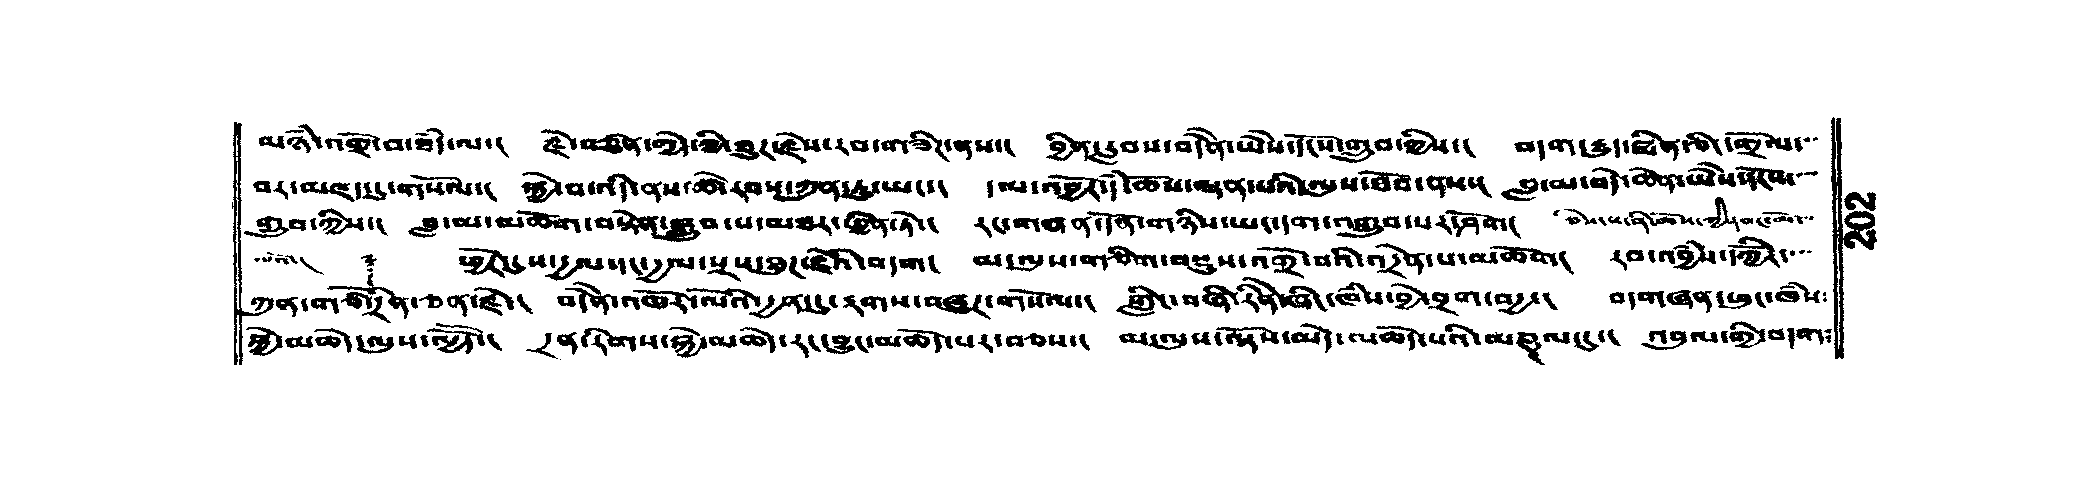མཉམ་འགྲོ་བ་ཐམས་ཅད་ལ། །རྗེ་བཙུན་ཁྱེད་ཀྱི་ཐུགས་རྗེས་རབ་གཟིགས་ནས། །བྱིན་རླབས་བདེ་ཆེན་ཡེ་ཤེས་དངོས་གྲུབ་ཀྱིས། །བདག་རྒྱུད་སྨིན་ཅིང་གྲོལ་
བར་མཛད་དུ་གསོལ། །སྐྱེ་བ་འདི་ནས་ཚེ་རབས་ཀུན་ཏུ་ཡང་། །དལ་འབྱོར་དམ་ཆོས་ལྡན་པའི་ལུས་ཐོབ་ནས། །བླ་མ་བདེ་ཆེན་ཡེ་ཤེས་དངོས་
གྲུབ་ཀྱིས། །བླ་མ་མཆོག་བསྟེན་གྲུབ་པ་མཐར་ཕྱིན་ཏེ། །རང་གཞན་དོན་གཉིས་ཡང་དག་འགྲུབ་པར་ཤོག ཅེས་པ་ནི་ཆོས་ཀྱི་དབང་མོ་
ལའོ། ༈ ཕྱོགས་དུས་རྒྱལ་དང་རྒྱལ་སྲས་ཐུགས་རྗེའི་བདག །མ་ལུས་གཅིག་བསྡུས་འགྲོ་བའི་འདྲེན་པ་མཆོག།རབ་འབྱམས་དཀྱིལ་འཁོར་
ཀུན་གཙོ་དྲིན་ཅན་རྗེ། །བདེ་ཆེན་འཁོར་ལོའི་རྒྱན་དུ་རྟག་བཞུགས་གསོལ། །གླིང་བཞི་རིན་ཆེན་ཞིང་ཁམས་བྱེ་བྲག་བརྒྱ། །བདག་གཞན་ཕུང་ཁམས་
སྐྱེ་མཆེད་ལུས་ལོངས་སྤྱོད། །དྲན་རིག་སྐྱེ་མཆེད་རང་བྱུང་མཆོད་པར་བཅས། །མ་ལུས་ལྟོས་མེད་མཆོད་པའི་མཎྜལ་དུ། །འབུལ་གྱི་བདག་